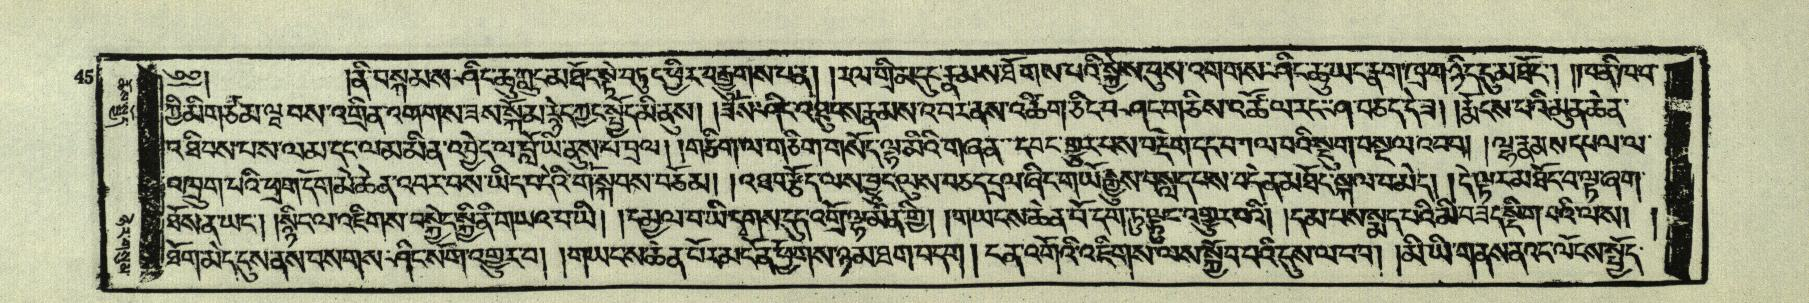༄༅། །ནི་བསྐམས་ཤིང་ཆུ་ཀླུང་མཐོང་སྟེ་བཏུང་ཕྱིར་བརྒྱུགས་པ་ན། །རལ་གྲི་མདུང་རྣམས་ཐོགས་པའི་སྐྱེས་བུས་འགགས་ཤིང་ཆུ་ཡང་རྣག་ཁྲག་ཉིད་དུ་མཐོང་། །ཁ་ནི་ཁ་བ་
ཀྱི་མིག་ཙམ་ཝ་བས་འགྲིན་འགགས་ཟས་སྐོམ་རྙེད་ཀྱང་སྤྱོད་མི་ནུས། །ཟོས་ཤིང་འཐུབས་རྣམས་འབར་ནས་འཚིག་ཅིང་བཤང་གཅིས་འཚོ་ལ་རང་ཤ་བཅད་དེ་ཟ། །རྨོངས་པའི་མུན་ཆེན་
འཐིབས་པས་ལམ་དང་ལམ་མིན་འབྱེད་ལ་བློ་ཡི་ནུས་པ་བྲལ། །གཅིག་ལ་གཅིག་གསོད་ལྷ་མིའི་གཞན་དབང་གྱུར་པས་བརྡེག་དང་བཀལ་བའི་སྡུག་བསྔལ་འབབ། །ལྷ་རྣམས་དཔལ་ལ་
འཁྲུག་པའི་ཕྲག་དོག་མེ་ཆེན་འབར་བས་ཡིད་བདེའི་གོ་སྐབས་བཅོམ། །འཐབ་རྩོད་ལས་བྱུང་ལུས་བཅད་དྲལ་ཞིང་གཡོ་རྒྱུས་བསླད་པས་བདེན་མཐོང་སྐལ་བ་མེད། །དེ་ལྟར་མཐོང་བ་ལྟ་ཞག་
ཐོས་ན་ཡང་། །སྙིང་ལ་འཇིགས་བསྐྱེད་སྐྱི་ནི་གཡའ་བ་ཡི། །དམྱལ་བ་ཡི་དྭགས་དུད་འགྲོ་ལྷ་མིན་གྱི། །གཡང་ས་ཆེན་པོ་དག་ཏུ་ལྷུང་འགྱུར་བའི། །དམ་པས་སྨད་པའི་མི་བཟད་སྡིག་པའི་ལས། །
ཐོག་མེད་དུས་ནས་བསགས་ཤིང་སོག་འགྱུར་བ། །གཡང་ས་ཆེན་པོར་མངོན་ཕྱོགས་ཉམ་ཐག་བདག །ངན་འགོའི་འཇིགས་ལས་སྐྱོབ་པའི་དུས་ལ་བབ། །མི་ཡི་གནས་ནའང་ལོངས་སྤྱོད་